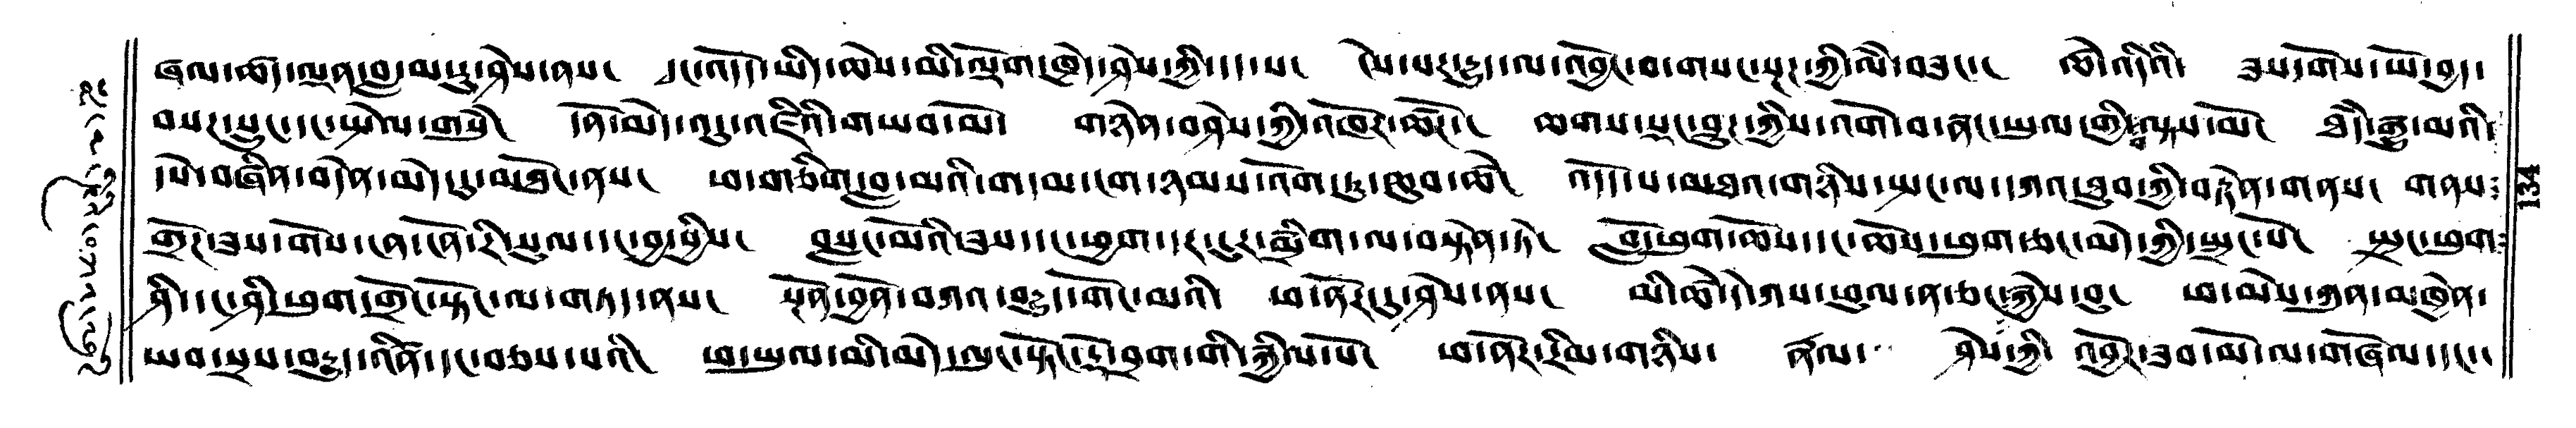ཞལ་ཚད་ལྡན་བླ་མ་རུ་ཤེས་ནས། ། དང་འདོད་ཡིད་ཆེས་མི་ལྡོག་ཁྱེད་ཤེས་ཀྱི་དད་པ། །ངེས་པར་རྒྱུད་ལ་འབྱོངས་བ་གསང་སྔགས་ཀྱི་ལམ་བཟང་། །ཚེ་འདིའི་ཟས་གོས་ཡོ་བྱད་
བསོག་སྲུང་དང་སྤེལ་གསུམ། །དོན་མེད་འདུ་འཛིའི་གཡབ་མོ་གཉེན་བཤེས་ཀྱི་འཁོར་ཚོགས། །ཆགས་སྡང་ཤུགས་ཀྱིས་འགོ་བ་སྣང་ཡུལ་གྱི་བལྟད་མོ། །ཐམས་ཅད་སྒྱུ་མའི་
དཔེ་བཞིན་བདེན་མེད་དུ་མཐོང་ནས། །ཕ་གཅིག་བླ་མའི་གདམས་ངག་ཉམས་འོག་ཏུ་ཆུད་ཚེ། །འདོད་པ་མཐའ་གཉིས་སྤངས་ལ་དཀའ་ཐུབ་ཀྱི་བརྟེན་གནས། །གནས་
གྲོགས་ཟས་གོས་ངན་ངོན་རི་སུལ་དང་བྱ་བྱིས། །སློང་མོའི་ཟས་དང་ཕྱག་དར་ངུར་སྨྲིག་ལ་བསྟེན་ཏེ། །བློ་ཕུགས་ཆོས་དང་ཆོས་ཕུགས་ཅང་མེད་ཀྱི་སྤྲང་པོ། །སྤྲང་ཕུགས་
ཤི་དང་ཤི་ཕུགས་གྲོག་སྟོང་ལ་གཏད་ནས། །སྔོན་བྱོན་བཀའ་བརྒྱུད་གོང་མའི་ཕ་ནོར་དུ་ཤེས་ནས། །མི་ཚེ་དེ་ཀས་འཕུལ་ན་ཅང་ཤེས་ཀྱི་སྐྱེས་བུ། །ཕ་མེས་ཀུན་མཁྱེན་
ཡབ་སྲས་བརྒྱུད་འཛིན་དང་བཅས་པའི། །ཕ་ཡུལ་མི་མེད་ལུང་སྟོང་རྡོ་བྲག་གི་སྤྱིལ་པོ། །ཕ་ནོར་རིམ་གཉིས་རྣལ་འབྱོར་ཟབ་མོ་ལ་གཞོལ་དང་།